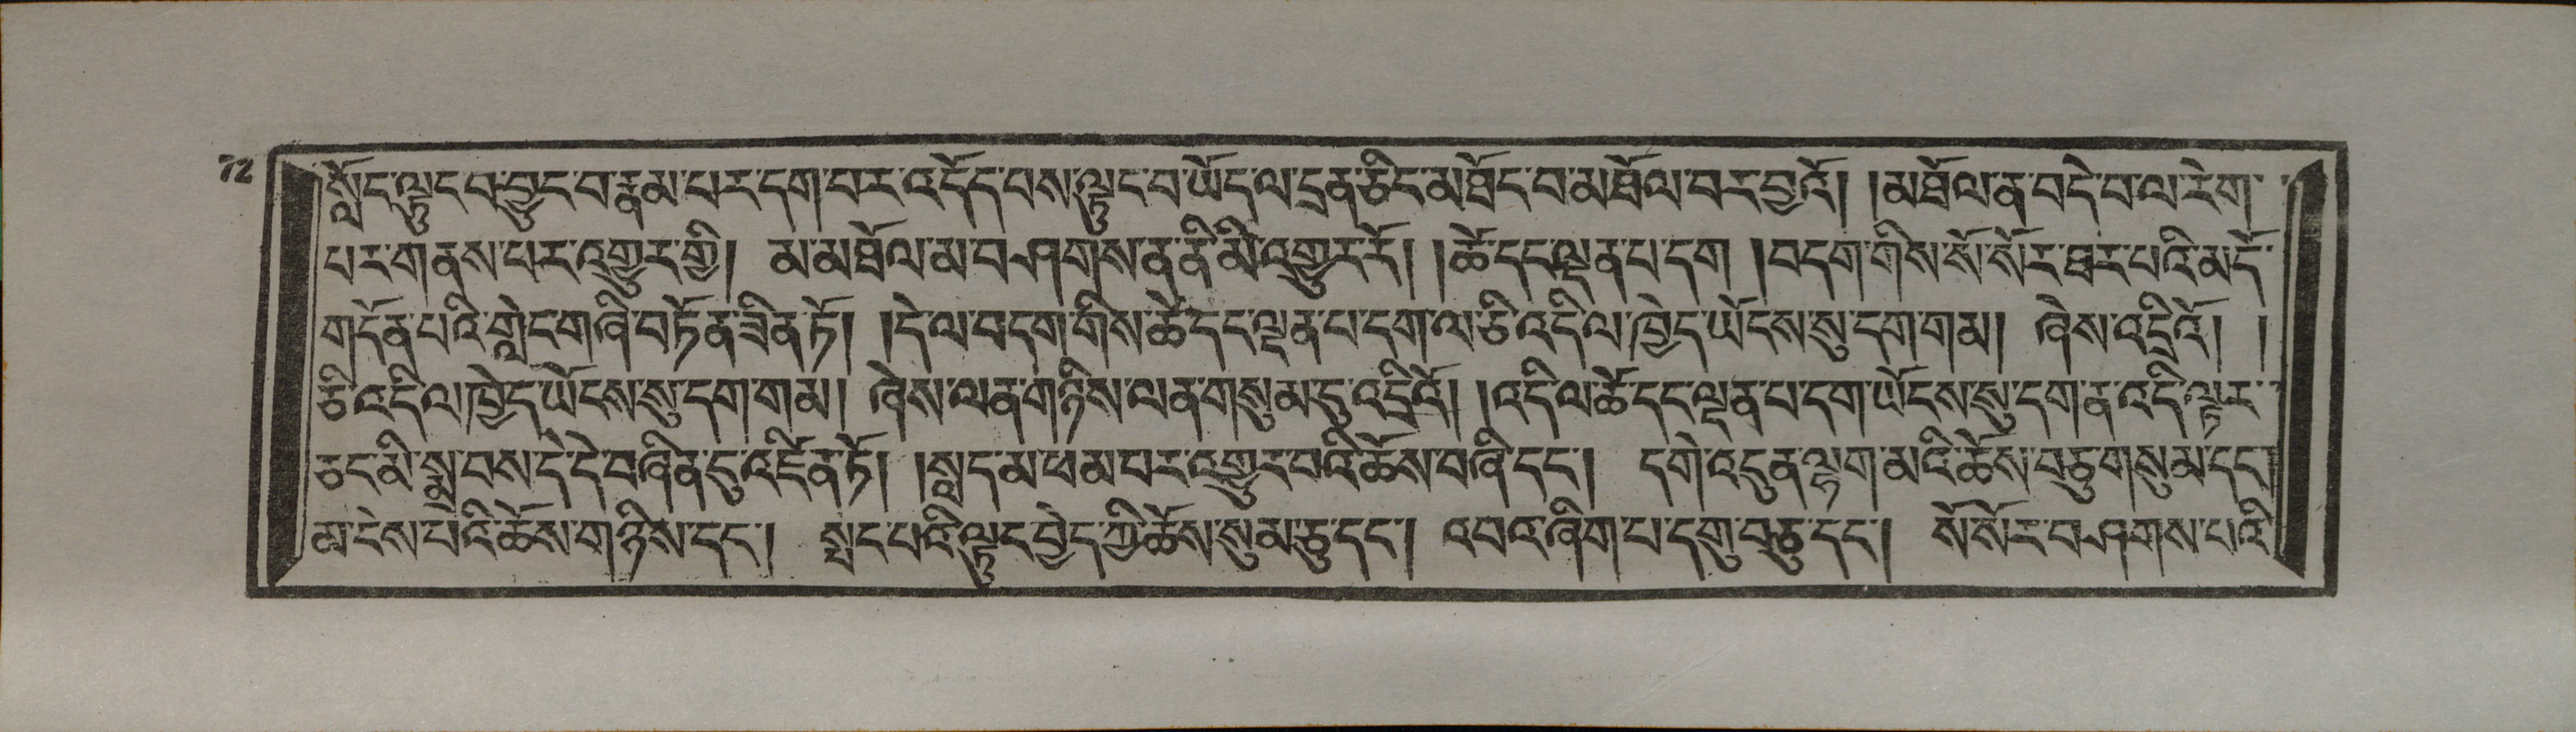སློང་ལྟུང་བ་བྱུང་བ་རྣམ་པར་དག་པར་འདོད་པས་ལྟུང་བ་ཡོད་ལ་དྲན་ཅིང་མཐོང་བ་མཐོལ་བར་བྱའོ། །མཐོལ་ན་བདེ་བ་ལ་རེག་
པར་གནས་པར་འགྱུར་གྱི། མ་མཐོལ་མ་བཤགས་ན་ནི་མི་འགྱུར་རོ། །ཚེ་དང་ལྡན་པ་དག །བདག་གིས་སོ་སོར་ཐར་པའི་མདོ་
གདོན་པའི་གླེང་གཞི་བཏོན་ཟིན་ཏོ། །དེ་ལ་བདག་གིས་ཚེ་དང་ལྡན་པ་དག་ལ་ཅི་འདི་ལ་ཁྱེད་ཡོངས་སུ་དག་གམ། ཞེས་འདྲིའོ། །
ཅི་འདི་ལ་ཁྱེད་ཡོངས་སུ་དག་གམ། ཞེས་ལན་གཉིས་ལན་གསུམ་དུ་འདྲིའོ། །འདི་ལ་ཚེ་དང་ལྡན་པ་དག་ཡོངས་སུ་དག་ན་འདི་ལྟར་
ཅང་མི་སྨྲ་བས་དེ་དེ་བཞིན་དུ་འཛིན་ཏོ། །སླད་མ་ཕམ་པར་འགྱུར་བའི་ཆོས་བཞི་དང་། དགེ་འདུན་ལྷག་མའི་ཆོས་བཅུ་གསུམ་དང་།
མ་ངེས་པའི་ཆོས་གཉིས་དང་། སྤང་པའི་ལྟུང་བྱེད་ཀྱི་ཆོས་སུམ་ཅུ་དང་། འབའ་ཞིག་པ་དགུ་བཅུ་དང་། སོ་སོར་བཤགས་པའི་